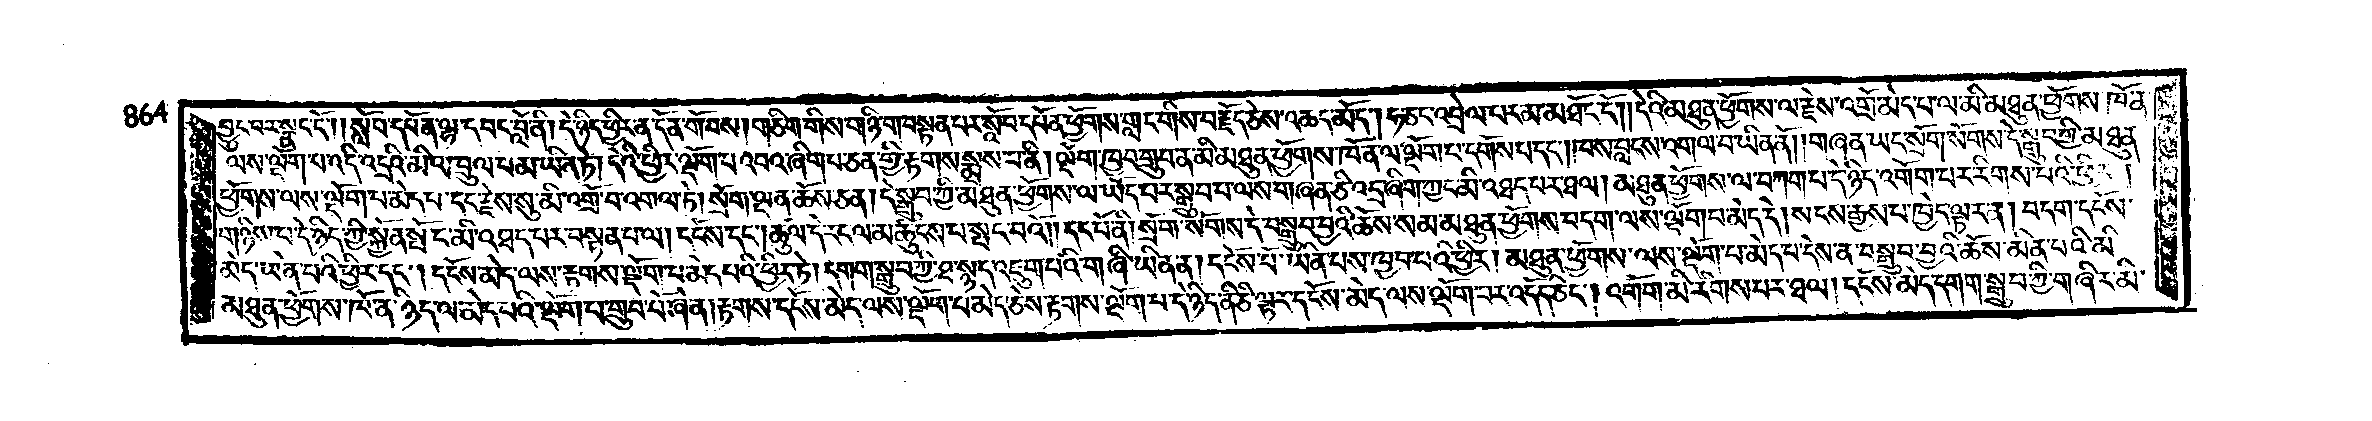བྱུང་བར་སྣང་ངོ། །སློབ་དཔོན་ལྷ་དབང་བློ་ནི། དེ་ཉིད་ཕྱིར་ན་དོན་གོ་བས། གཅིག་གིས་གཉི་ག་བསྟན་པར་སློབ་དཔོན་ཕྱོགས་གླང་གིས་བརྗོད་ཅེས་འཆད་མོད། ཧ་ཅང་འབྲེལ་པར་མ་མཐོང་ངོ །དེའི་མཐུན་ཕྱོགས་ལ་རྗེས་འགྲོ་མེད་པ་ལ་མི་མཐུན་ཕྱོགས་ཁོ་ན་
ལས་ལྡོག་པ་འདི་འདྲའི་མི་ཁྲུལ་པ་མ་ཡིན་ཏེ། །དེའི་ཕྱིར་ལྡོག་པ་འབའ་ཞིག་པ་ཅན་གྱི་རྟགས་སྨྲས་པ་ནི། ལྡོག་ཁྱབ་གྲུབ་ན་མི་མཐུན་ཕྱོགས་ཁོ་ན་ལ་ལྡོག་པ་དགོས་པ་དང་། ཁས་བླངས་འགལ་བ་ཡིན་ནོ། །གཞན་ཡང་སྲོག་སོགས་དེ་སྒྲུབ་ཀྱི་མཐུན་
ཕྱོགས་ལས་ལྡོག་པ་མེད་པ་དང་རྗེས་སུ་མི་འགྲོ་བ་འགལ་ཏེ། སྲོག་ལྡན་ཆོས་ཅན། དེ་སྒྲུབ་ཀྱི་མཐུན་ཕྱོགས་ལ་ཡོད་པར་སྒྲུབ་པ་ལས་གཞན་ཅི་འདྲ་ཞིག་ཀྱང་མི་འཐད་པར་ཐལ། མཐུན་ཕྱོགས་ལ་བཀག་པ་དེ་ཉིད་འགོག་པར་རིགས་པའི་ཕྱིར།
གཉིས་པ་དེ་ཉིད་ཀྱི་སྐྱོན་སྤོང་མི་འཐད་པར་བསྟན་པ་ལ། དངོས་དང་། ཚུལ་དེ་རང་ལ་མཚུངས་པ་སྤང་བའོ། །དང་པོ་ནི། སྲོག་སོགས་དེ་བསྒྲུབ་བྱའི་ཆོས་སམ་མཐུན་ཕྱོགས་བདག་ལས་ལྡོག་པ་མེད་དེ། སངས་རྒྱས་པ་ཁྱེད་ལྟར་ན། བདག་དངོས་
མེད་ཡིན་པའི་ཕྱིར་དང་།དངོས་མེད་ལས་རྟགས་ལྡོག་པ་མེད་པའི་ཕྱིར་ཏེ། དགག་སྒྲུབ་ཀྱི་ཐ་སྙད་འཇུག་པའི་གཞི་ཡིན་ན། དངོས་པོ་ཡིན་པས་ཁྱབ་པའི་ཕྱིར། མཐུན་ཕྱོགས་ལས་ལྡོག་པ་མེད་པ་དེས་ན་བསྒྲུབ་བྱའི་ཆོས་མིན་པའི་མི་
མཐུན་ཕྱོགས་ཁོ་ན་ཉིད་ལ་མེད་པའི་ལྡོག་པ་གྲུབ་པོ་ཞེ་ན། རྟགས་དངོས་མེད་ལས་ལྡོག་པ་མེད་ཅེས་རྟགས་ལྡོག་པ་དེ་ཉིད་ནི་ཅི་ལྟར་དངོས་མེད་ལས་ལྡོག་པར་འདོད་ཅིང་། འགོག་མི་རིགས་པར་ཐལ། དངོས་མེད་དགག་སྒྲུབ་ཀྱི་གཞིར་མི་